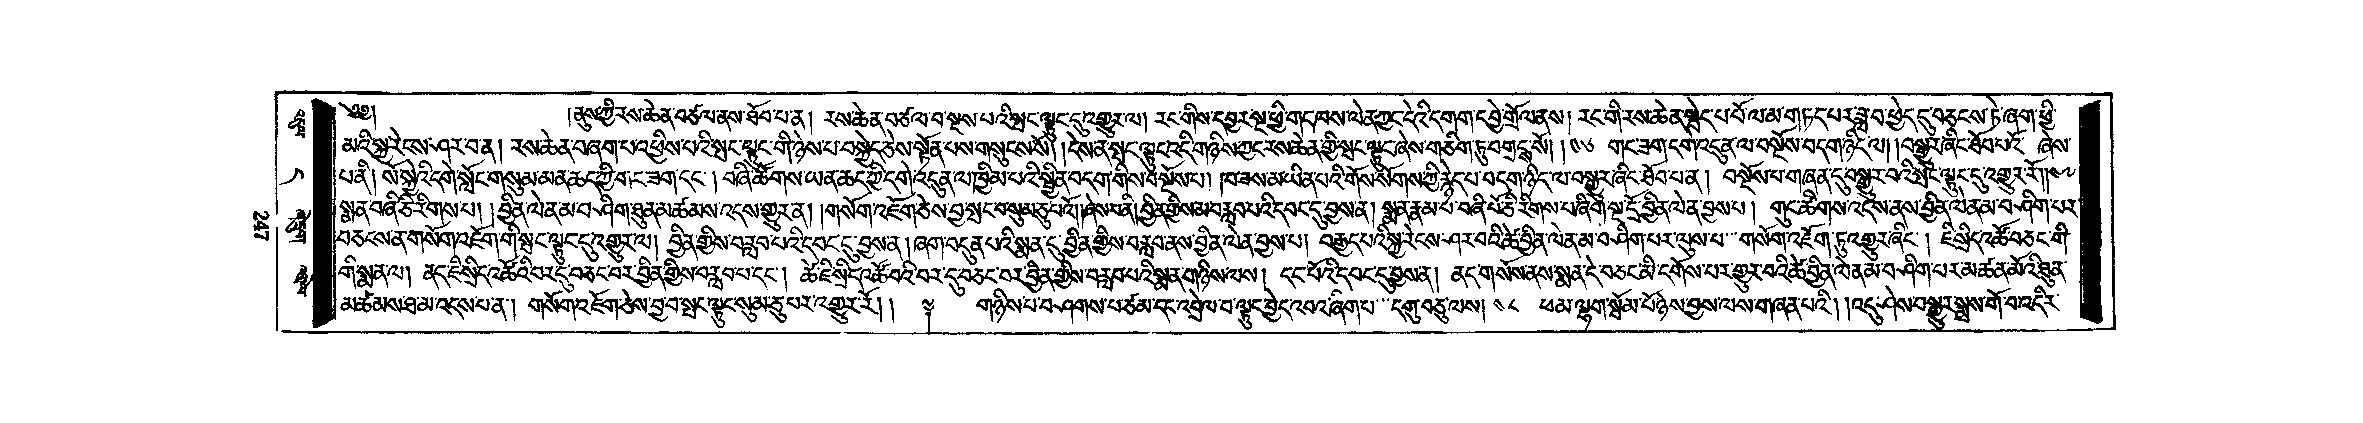༄༅། །ནུས་ཀྱི་རས་ཆེན་བཙལ་ནས་ཐོབ་པ་ན། རས་ཆེན་བཙལ་བ་སྔས་པའི་སྤང་ལྟུང་དུ་འགྱུར་ལ། རང་གིས་དབྱར་སྔ་ཕྱི་གང་ཁས་ལེན་ཀྱང་དེའི་དགག་དབྱེ་གྲོལ་ནས། རང་གི་རས་ཆེན་སྦེད་པ་པོ་ལ་མ་གཏད་པར་ཟླ་བ་ཕྱེད་དུ་བཅངས་ཏེ་ཞག་ཕྱི་
མའི་སྐྱ་རེངས་ཤར་བ་ན། རས་ཆེན་བཞག་པ་འཕྱིས་པའི་སྤང་ལྟུང་གི་ཉེས་པ་བསྐྱེད་ཅེས་སྟོན་པས་གསུངས་སོ། །དེས་ན་སྤང་ལྟུང་འདི་གཉིས་ཀྱང་རས་ཆེན་གྱི་སྤང་ལྟུང་ཞེས་གཅིག་ཏུ་བགྲངས་སོ། །གང་ཟག་དགེ་འདུན་ལ་བསྔོས་བདག་ཉིད་ལ། །བསྒྱུར་ཞིང་ཐོབ་པའོ་ཞེས་
པ་ནི། སོ་སྐྱེའི་དགེ་སློང་གསུམ་མན་ཆད་ཀྱི་གང་ཟག་དང་། བཞི་ཚོགས་ཡན་ཆད་ཀྱི་དགེ་འདུན་ལ་ཁྱིམ་པའི་སྦྱིན་བདག་གིས་བསྔོས་པ། ཁ་ཟས་མ་ཡིན་པའི་གོས་སོགས་ཀྱི་རྙེད་པ་བདག་ཉིད་ལ་བསྒྱུར་ཞིང་ཐོབ་པ་ན། བསྔོས་པ་གཞན་དུ་བསྒྱུར་བའི་སྤང་ལྟུང་དུ་འགྱུར་རོ། །
སྨན་བཞི་ཅི་རིགས་པ། །བྱིན་ལེན་མ་བཤིག་ཐུན་མཚམས་འདས་གྱུར་ན། །གསོག་འཇོག་ཅེས་བྱ་སྤང་བསུམ་ཅུ་པའོ། །ཞེས་པ་ནི། བྱིན་གྱིས་མ་བརླབ་པའི་དབང་དུ་བྱས་ན། སྨན་རྣམ་པ་བཞི་པོ་ཅི་རིགས་པ་ཞིག་སྔ་དྲོ་བྱིན་ལེན་བྱས་པ། གུང་ཚིགས་འདས་ནས་བྱིན་ལེན་མ་བཤིག་པར་
བཅངས་ན་གསོག་འཇོག་གི་སྤང་ལྟུང་དུ་འགྱུར་ལ། བྱིན་གྱིས་བརླབ་པའི་དབང་དུ་བྱས་ན། ཞག་བདུན་པའི་སྨན་དུ་བྱིན་གྱིས་བརླབ་ནས་བྱིན་ལེན་བྱས་པ། བརྒྱད་པའི་སྐྱ་རེངས་ཤར་བའི་ཚེ་བྱིན་ལེན་མ་བཤིག་པར་ལུས་པ་གསོག་འཇོག་ཏུ་འགྱུར་ཞིང་། ཇི་སྲིད་འཚོ་བཅང་གི་
གི་སྨན་ལ། ནད་ཇི་སྲིད་འཚོའི་བར་དུ་བཅང་བར་བྱིན་གྱིས་བརླབ་པ་དང་། ཚེ་ཇི་སྲིད་འཚོ་བའི་བར་དུ་བཅང་བར་བྱིན་གྱིས་བརླབ་པའི་སྨན་གཉིས་ལས། དང་པོའི་དབང་དུ་བྱས་ན། ནད་གསོས་ནས་སྨན་དེ་བཅང་མི་དགོས་པར་གྱུར་བའི་ཚེ་བྱིན་ལེན་མ་བཤིག་པར་མཚན་མོའི་ཐུན་
མཚམས་ཐ་མ་འདས་པ་ན། གསོག་འཇོག་ཅེས་བྱ་བ་སྤང་ལྟུང་སུམ་ཅུ་པར་འགྱུར་རོ། །༈གཉིས་པ་བཤགས་པ་ཙམ་དང་འབྲེལ་བ་ལྟུང་བྱེད་འབའ་ཞིག་པ་དགུ་བཅུ་ལས། ཕམ་ལྷག་སྦོམ་པོ་ཉེས་བྱས་ལས་གཞན་པའི། །འདུ་ཤེས་བསྒྱུར་སྨྲས་གོ་བ་འདིར་